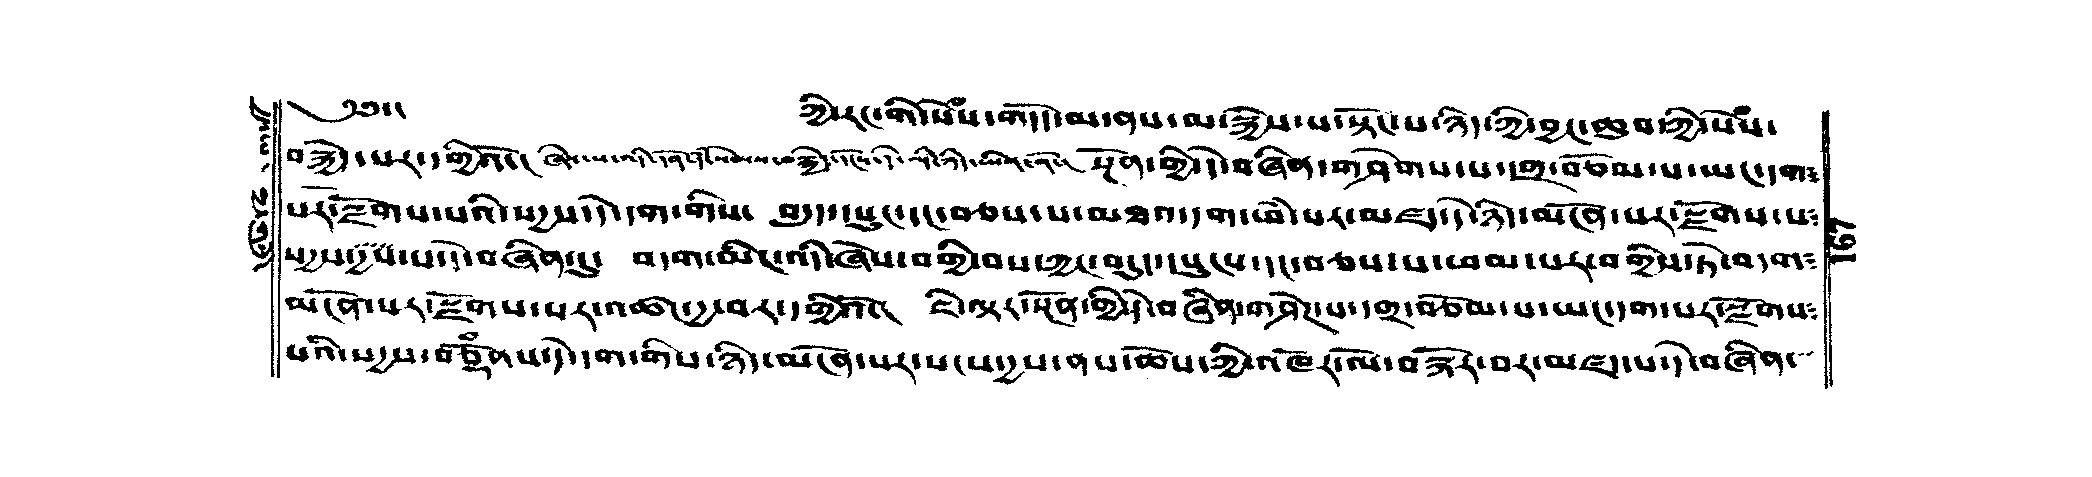ཀྱི་རང་གི་སེམས་གདོད་མ་ནས་མསྐྱེས་པ་སྟོང་པ་ཉིད་ཀྱི་བྱང་ཆུབ་ཀྱི་སེམས་
བསྐྱེད་པར་དགྱིའོ། ཞེས་པ་འདི་དོན་དེ་སེམས་བསྐྱེད་དངོས་དེ་འདི་ཉིད་ཡིན་ནོ། སྔོན་གྱི་དེ་བཞིན་གཤེགས་པ་དགྲ་བཅོམ་པ་ཡང་དག་
པར་རྫོགས་པའི་སངས་རྒྱས་དེ་དག་གིས། བདུད་དཔུང་དང་བཅས་པ་མཐའ་དག་ཕམ་པར་མཛད་དེ་ཉིད་མངོན་པར་རྫོགས་པ་
སངས་རྒྱས་པ་དེ་བཞིན་དུ། བདག་མིང་འདི་ཞེས་བགྱི་བས་ཀྱང་བདུད་དཔུངས་པ་དག་བཅས་པ་ཕམ་པར་བགྱིས་ཏེ་བདག་
མངོན་པར་རྫོགས་པར་འཚང་རྒྱ་བར་དགྱིའོ། ཇི་ལྟར་སྔོན་གྱི་དེ་བཞིན་གཤེགས་པ་དགྲ་བཅོམ་པ་ཡང་དག་པར་རྫོགས་
པའི་སངས་རྒྱས་བཅོམ་ལྡན་འདས་དེ་དག་གིས་ཉིད་མངོན་པར་སངས་རྒྱས་ནས་ཆོས་ཀྱི་འཁོར་ལོ་བསྐོར་བར་མཛད་པ་དེ་བཞིན་